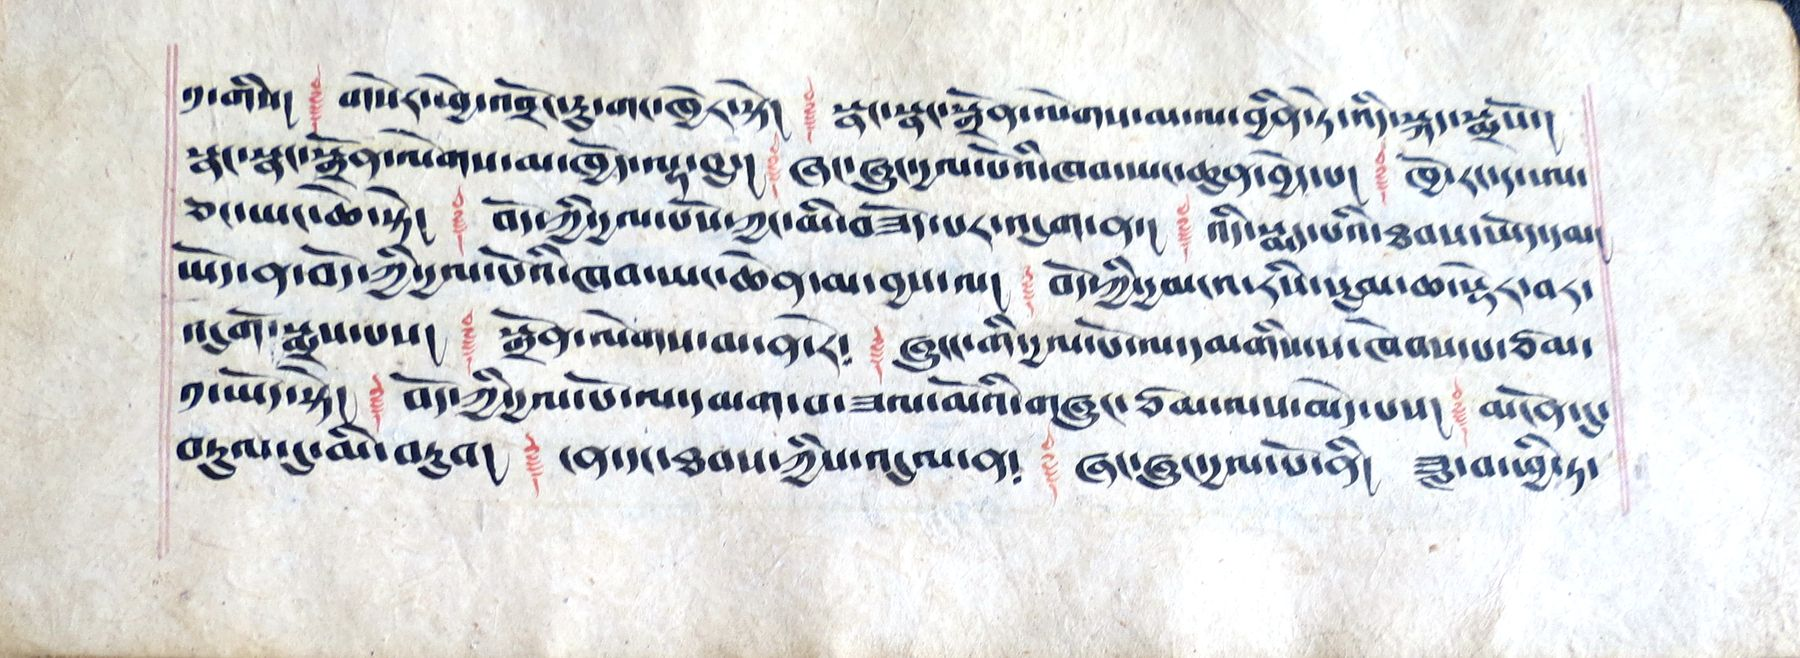ཞིག་གིས། གསེར་ཕྱེ་འབྲོང་རུ་གང་ཁྱེར་ཏེ། སྣང་སྒྲོན་ལེགས་མ་ལ་བྱིན་ནས་འདི་སྐད་སྨྲས་སོ། ། 
སྣང་སྣང་སྒྲོན་ལེགས་མ་ཁྱོད་ལྟ་བུ། ཞང་ཞུང་རྒྱལ་པོའི་ཁབ་ཡང་ཆུན་བྱེད་པ། ཁྱོད་རང་ཨ་
ཅང་ཆེས་ཏེ། བོད་ཀྱིས་རྒྱལ་པོས་ཡང་མི་བཟོད་པར་འདུག་པས་ན། འདི་སྨད་པའི་ཐབས་ཡོད་དམ། 
ཡོད་ན་བོད་ཀྱི་རྒྱལ་པོའི་ཁབ་ཀྱི་ཡང་ཆེན་མ་བྱ། བོད་ཀྱི་མངའ་རིས་སུམ་གཉིས་སྟེར་བར་
འདུག་གོ་སྨྲས་པས། སྒྲོན་ལེགས་མས་ན་རེ། ཞང་ཞུང་རྒྱལ་པོ་ལ་དམག་ས་ཁེབ་པར་
ཡོད། བོད་ཀྱི་རྒྱལ་པོ་ལ་དམག་བ་གྲེ་མོའི་གཞུང་ཙམ་ལས་མེད་པས། མངོན་དུ་
བཏུལ་དུ་མི་ཐུབ་པས། ངན་དང་ཐབས་ཀྱིས་འདུལ་ན། ཞང་ཞུང་རྒྱལ་པོ་ནི། ཟླ་བ་ཕྱི་ཏ་